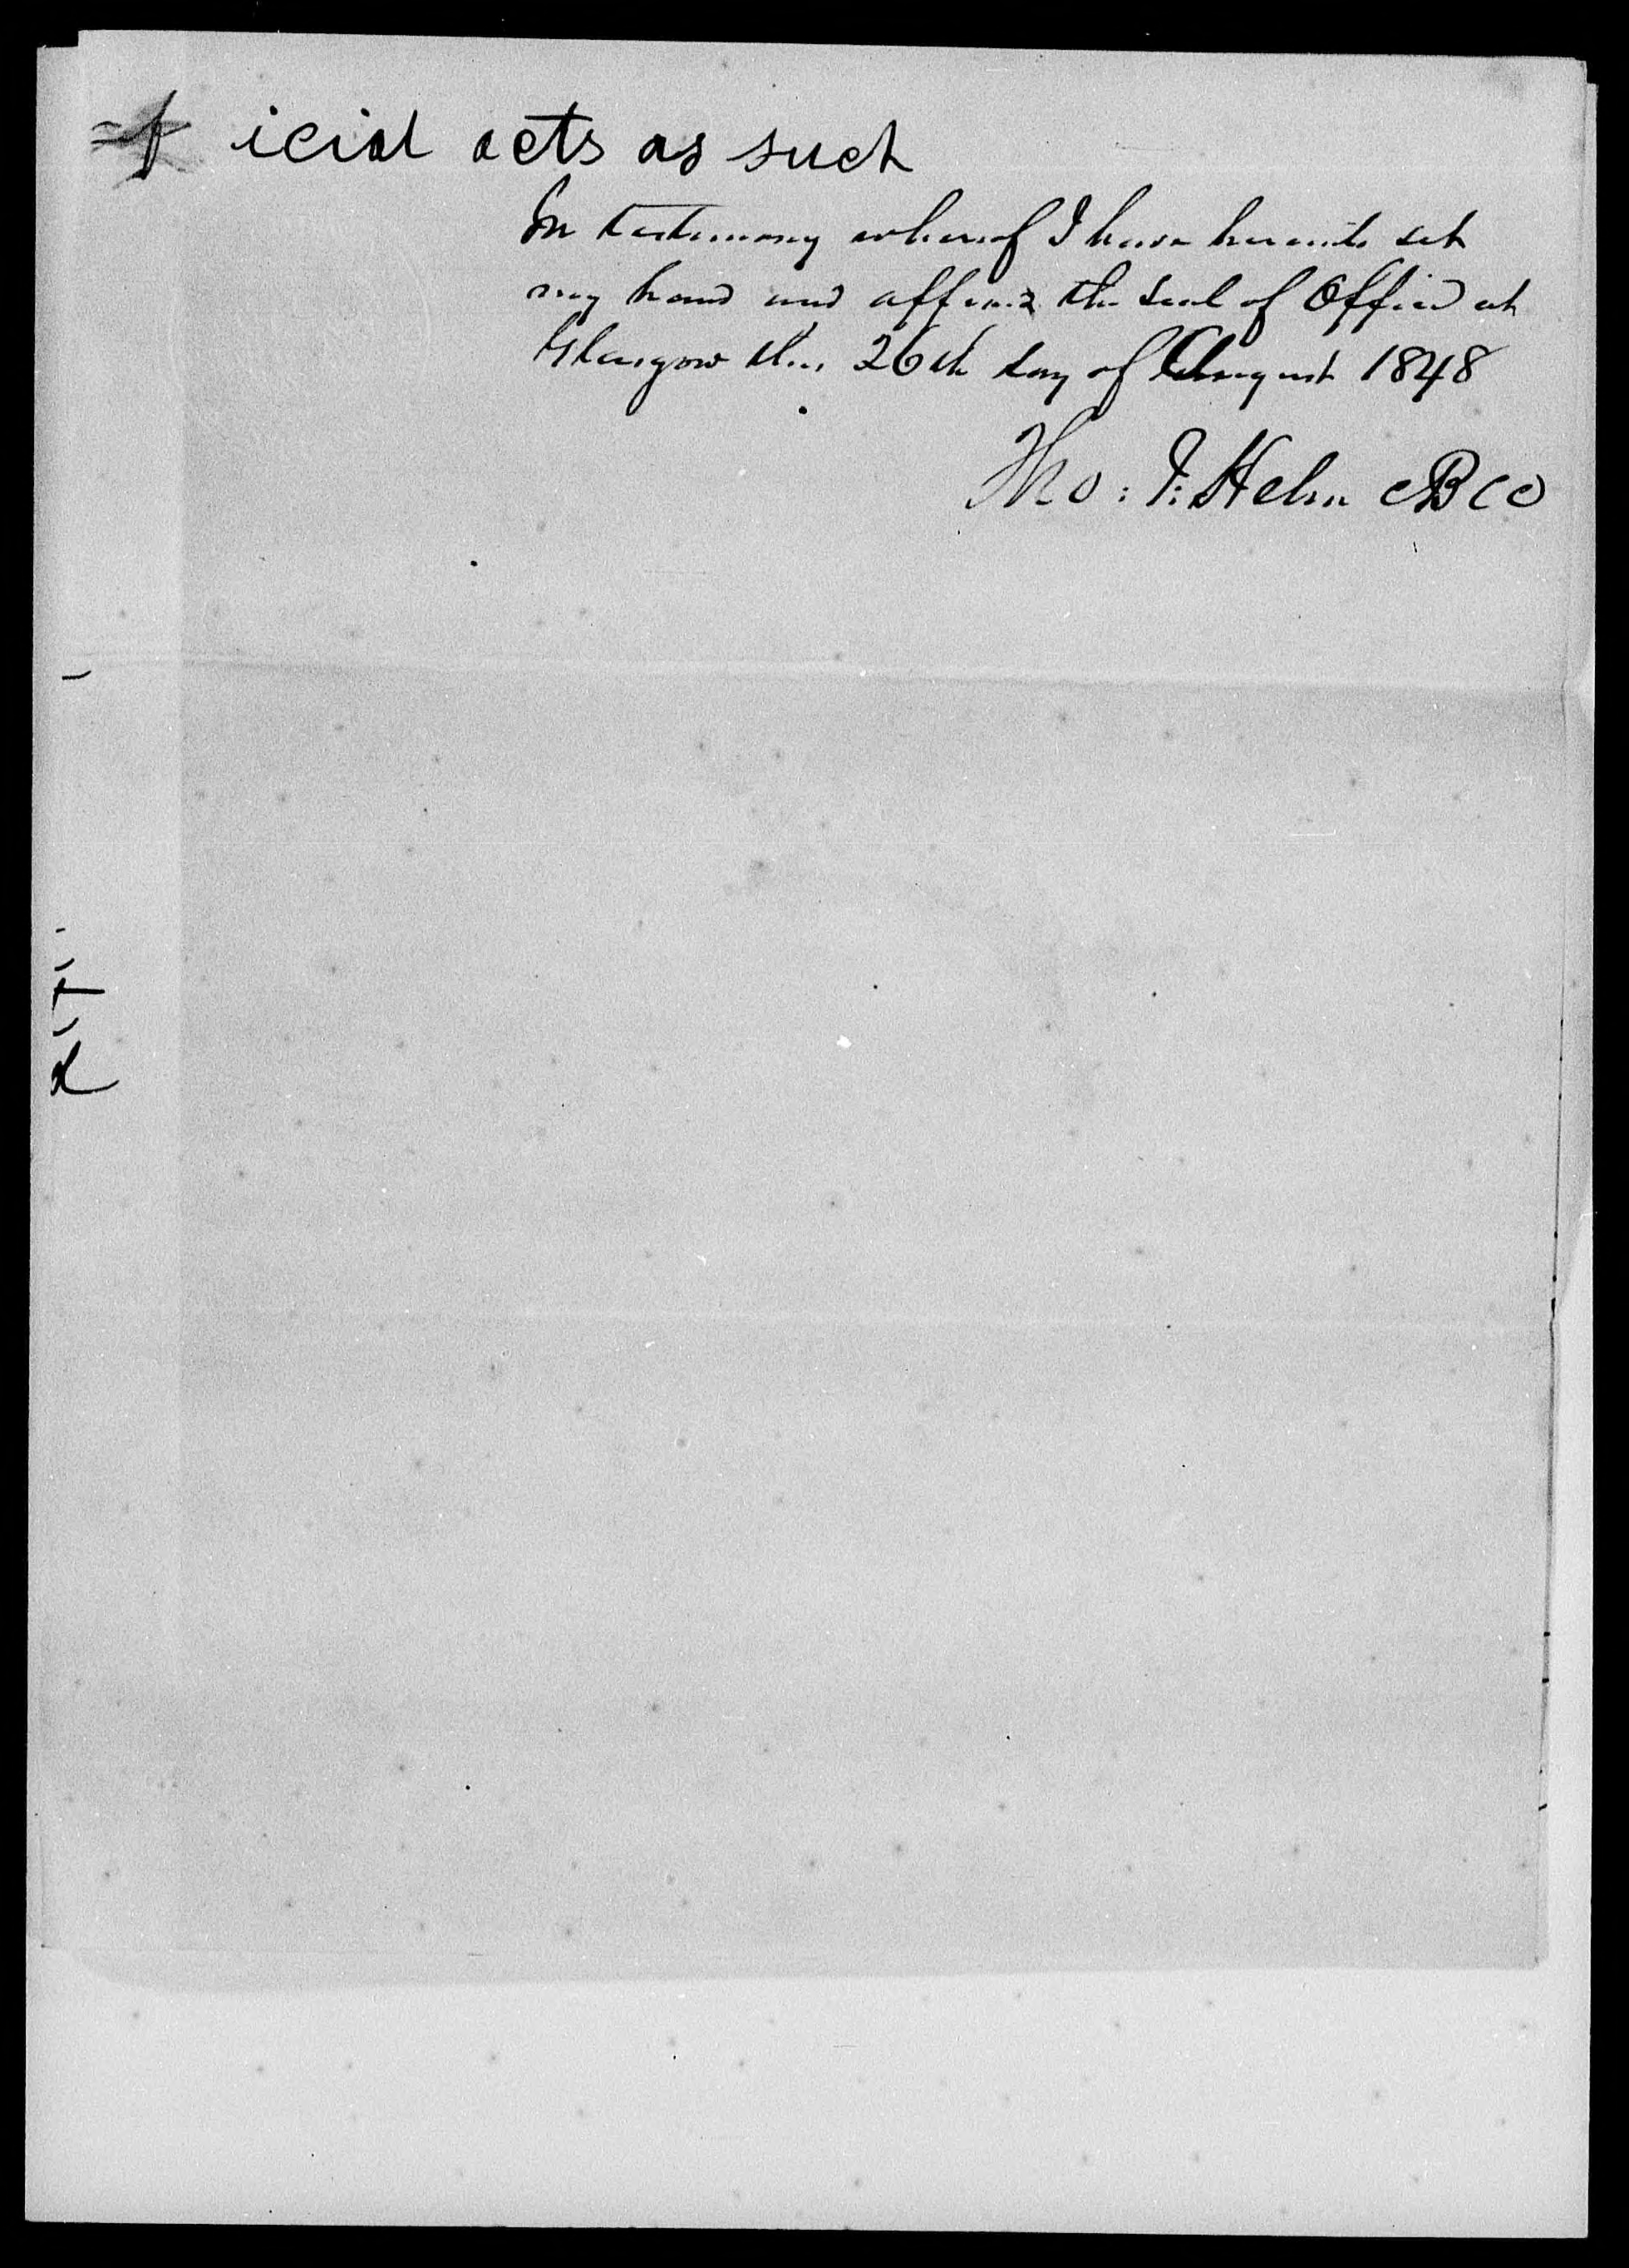official acts as such
In Testimony whereof I have hereunto set
my hand and affixed the seal of Office at
Glasgow Va. this 26th day of August 1848
Tho. J. Helm BCO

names: Thos J Helm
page: 33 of 58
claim: widow's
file: W. 8932, John Hiser, Penn.